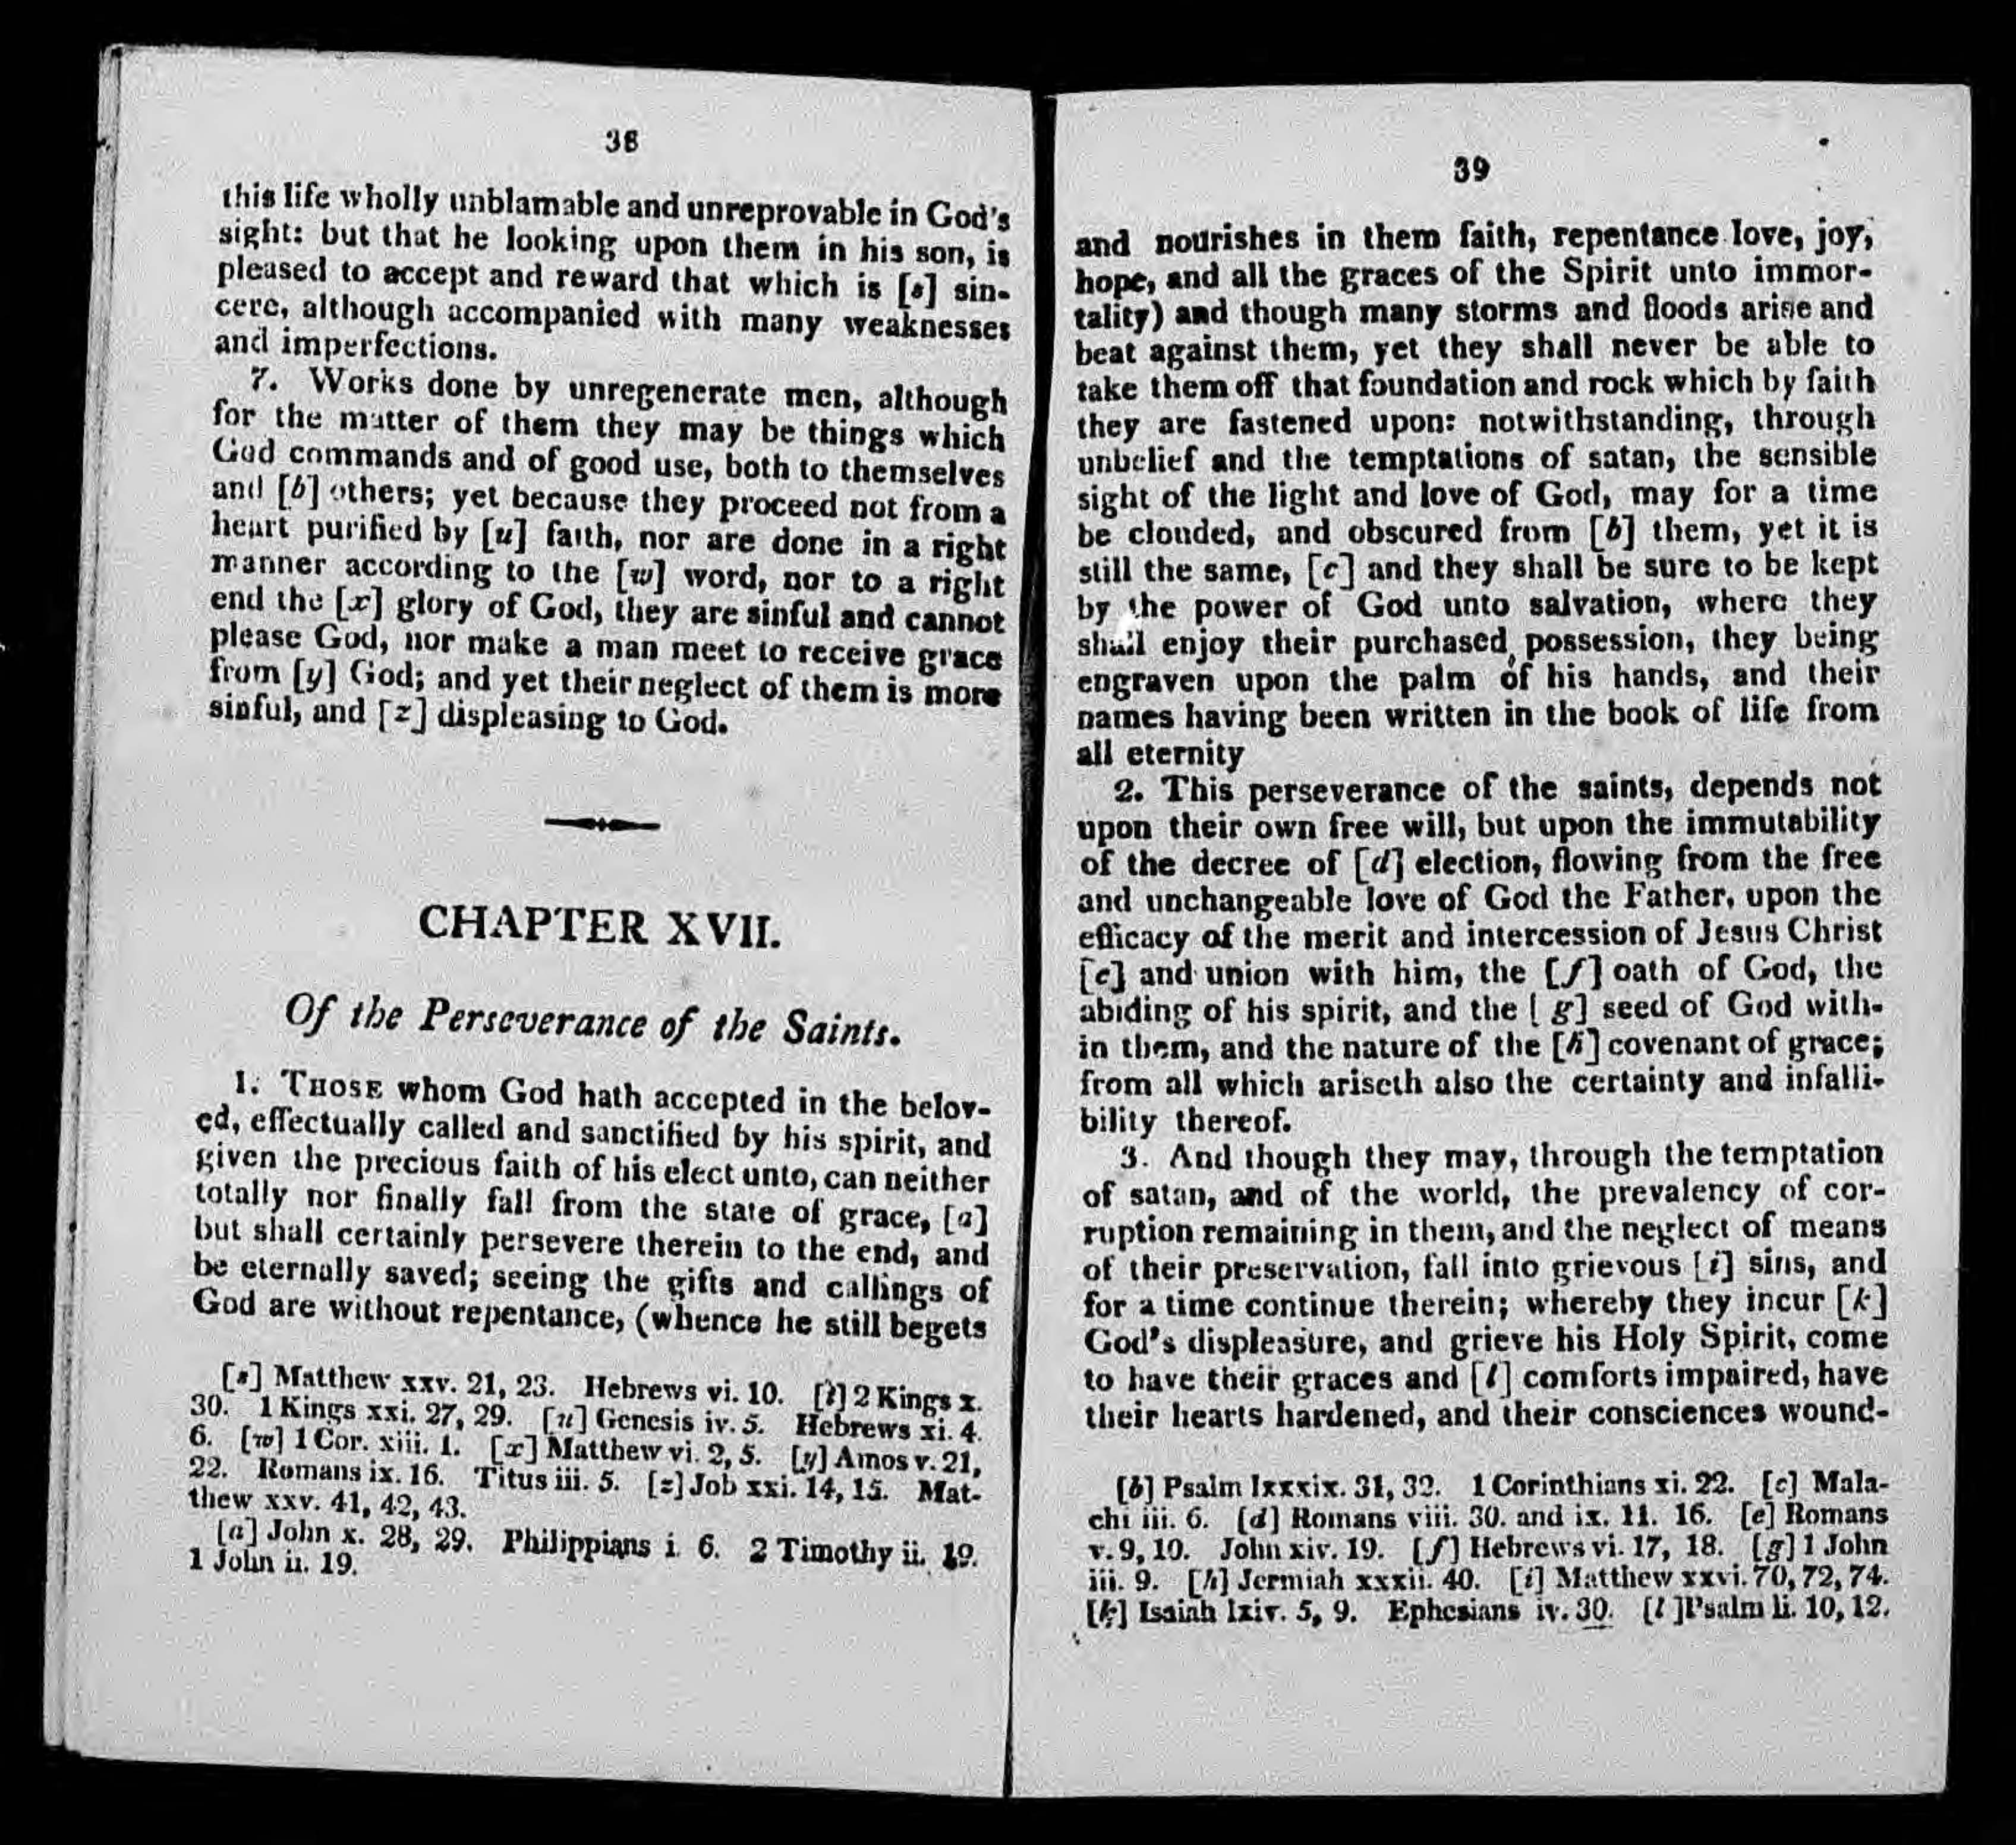38
this life wholly unblamable and unreprovable in God's
sight; but that he looking upon them in his son, is
pleased to accept and reward that which is  [a] sin-
cere, although accompanied with many weaknesses
and imperfections.
Works done by unregenerate men, although
for the matter of them they may be things which
God commands and of good use, both to themselves
and [b] others; yet because they proceed not from a
heart purified by [u] faith, nor are done in a right
manner according to the [w] word, nor to a right
and the [x] glory of God, they are sinful and cannot
please God, nor make a man meet to receive grace
from [y] God; and yet their neglect of them is more
sinful, and [z]  displeasing to God.
CHAPTER XVII.
of the Perseverance of the Saints.
I THOSE whom God hath accepted in the beloved, effectually called and sanctified by his spirit, and
given the precious faith of his elect unto, can neither
totally nor finally fall from the state of grace, [a]
but shall certainly persevere therein to the end, and
be eternally saved; seeing the gifts and callings of
God are without repentance, (whence he still begets
[a] Matthew xxv. 21, 23, Hebrews vi. 10. [t] 2 Kings x 30 1 Kings xxii, 27, 29. (u) Genesis iv. 5. Hebrews xi. 4 6 [w] 1 Cor. xiii. 1. [x] Matthew vi. 2, S. [y] Amos. 21, 22. Romans ix. 15. Titus iii. 5. [z] Job xxii. 14, 15. Matthew
xxv. 41, 42, 43.
[a] John x. 28, 29. Philippians i. 6. 2 Timothy ii 19.
1 John 11. 19.
39
and nourishes in them faith, repentance love, joy,
hope, and all the graces of the Spirit unto immortality
) and though many storms and floods arise and
beat against them, yet they shall never be able to
take them off that foundation and rock which by faith
they are fastened upon: notwithstanding, through
unbelief and the temptations of satan, the sensible
sight of the light and love of God, may for a time
be clouded, and obscured from [b] them, yet it is
still the same, [c] and they shall be sure to be kept
by the power of God unto salvation, where they
shall enjoy their purchased possession, they being
engraven upon the palm of his hands, and their
names having been written in the book of life from
all eternity
2. This perseverance of the saints, depends not
upon their own free will, but upon the immutability
of the decree of [d] election, flowing from the free
and unchangeable love of God the Father, upon the
efficacy of the merit and intercession of Jesus Christ [e] and
union with him, the [f] oath of God, the
abiding of his spirit, and the [g] seed of God with
in them, and the nature of the [h] covenant of grace;
from all which ariseth also the certainty and infallibility
thereof.
3 And though they may, through the temptation
of satan, and of the world, the prevalency of corruption
remaining in them, and the neglect of means
of their preservation, fall into grievous [i] sins, and
for a time continue therein; whereby they incur [k]
God's displeasure, and grieve his Holy Spirit, come
to have their graces and  [l] comforts impaired, have
their hearts hardened, and their consciences wound-
[b] Psalm xxxix. 31, 32, 1 Corinthians xi. 22. [c] Malachi iii . 6. (d) Romans viii. 30 and ix. 11. 16. [e] Romans v. 9, 10. John xiv. 19. [f] Hebrews vi, 17, 18. [g] 1 John iii. 9. 1 [h] Jerimiah xxxii. 40. [i] Matthew xxvi. 70, 72, 74.
[k] Isaiah xiv. 5. 9. Ephesians iv.30. [l] Psalms li. 10, 12.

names: John, Malachi, Matthew, Kings, Timothy, Jermiah, Matthew, John, Amos, Job, Titus, John, Isaiah, Kings, Matthew, John, Matthew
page: 31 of 98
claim: widow's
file: W. 8398, William Broadway, S.C.